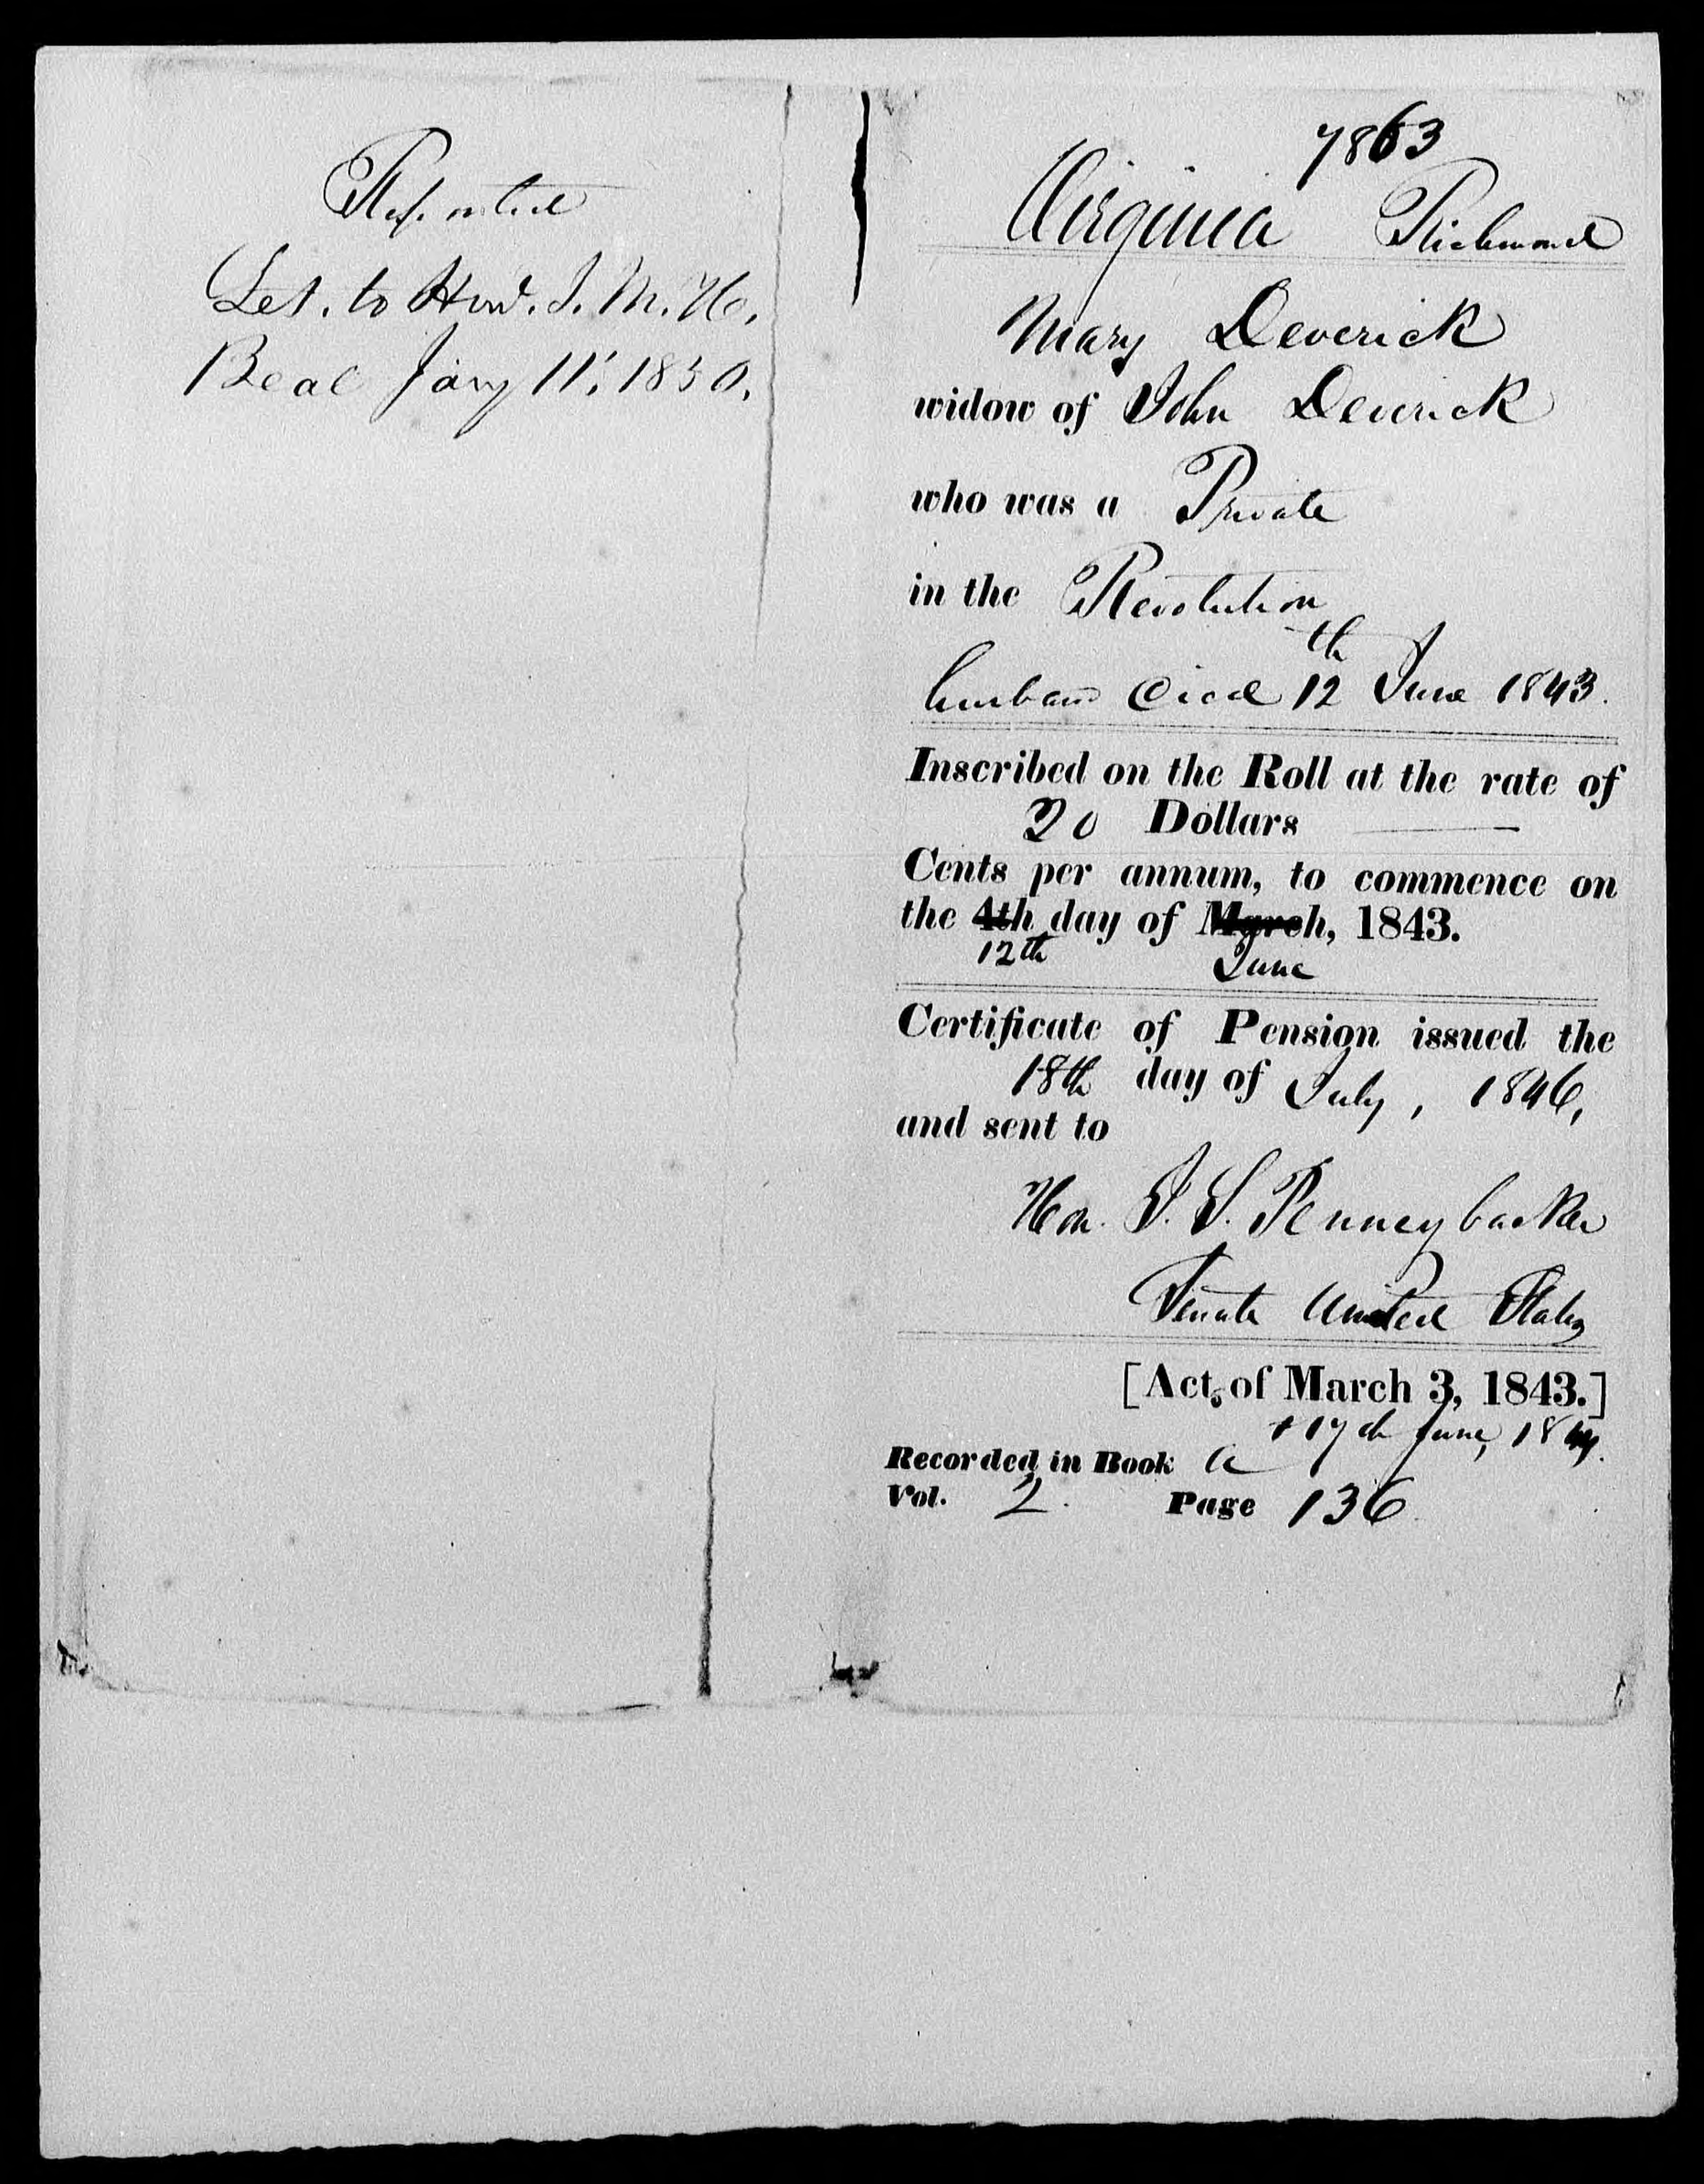[illegible] [illegible] to Hunt J. M. U. Beal [illegible] 11:1850

1863
Virginia Richmond
Mary Deverick widow of John Deverick who was a Private in the Revolution [illegible] [illegible] 12 June 1843

Inscribed on the Roll at the rate of 20 Dollars [blank] Cents per annum, to commence on the [4th is crossed out] 12th day of [March is crossed out] June, 1843

Certificate of Pension issued the 18th day of July, 1846 and sent to Hon J. S. Penney [illegible] [illegible] United States

Act of March 3, 1843. + 19 of June, 1849[?]

Recorded in Book a Vol. 2 Page 136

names: J M H Beal, John Deverick, Mary Deverick, J S Penney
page: 14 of 35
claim: widow's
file: W 7007, John Devericks, Va.